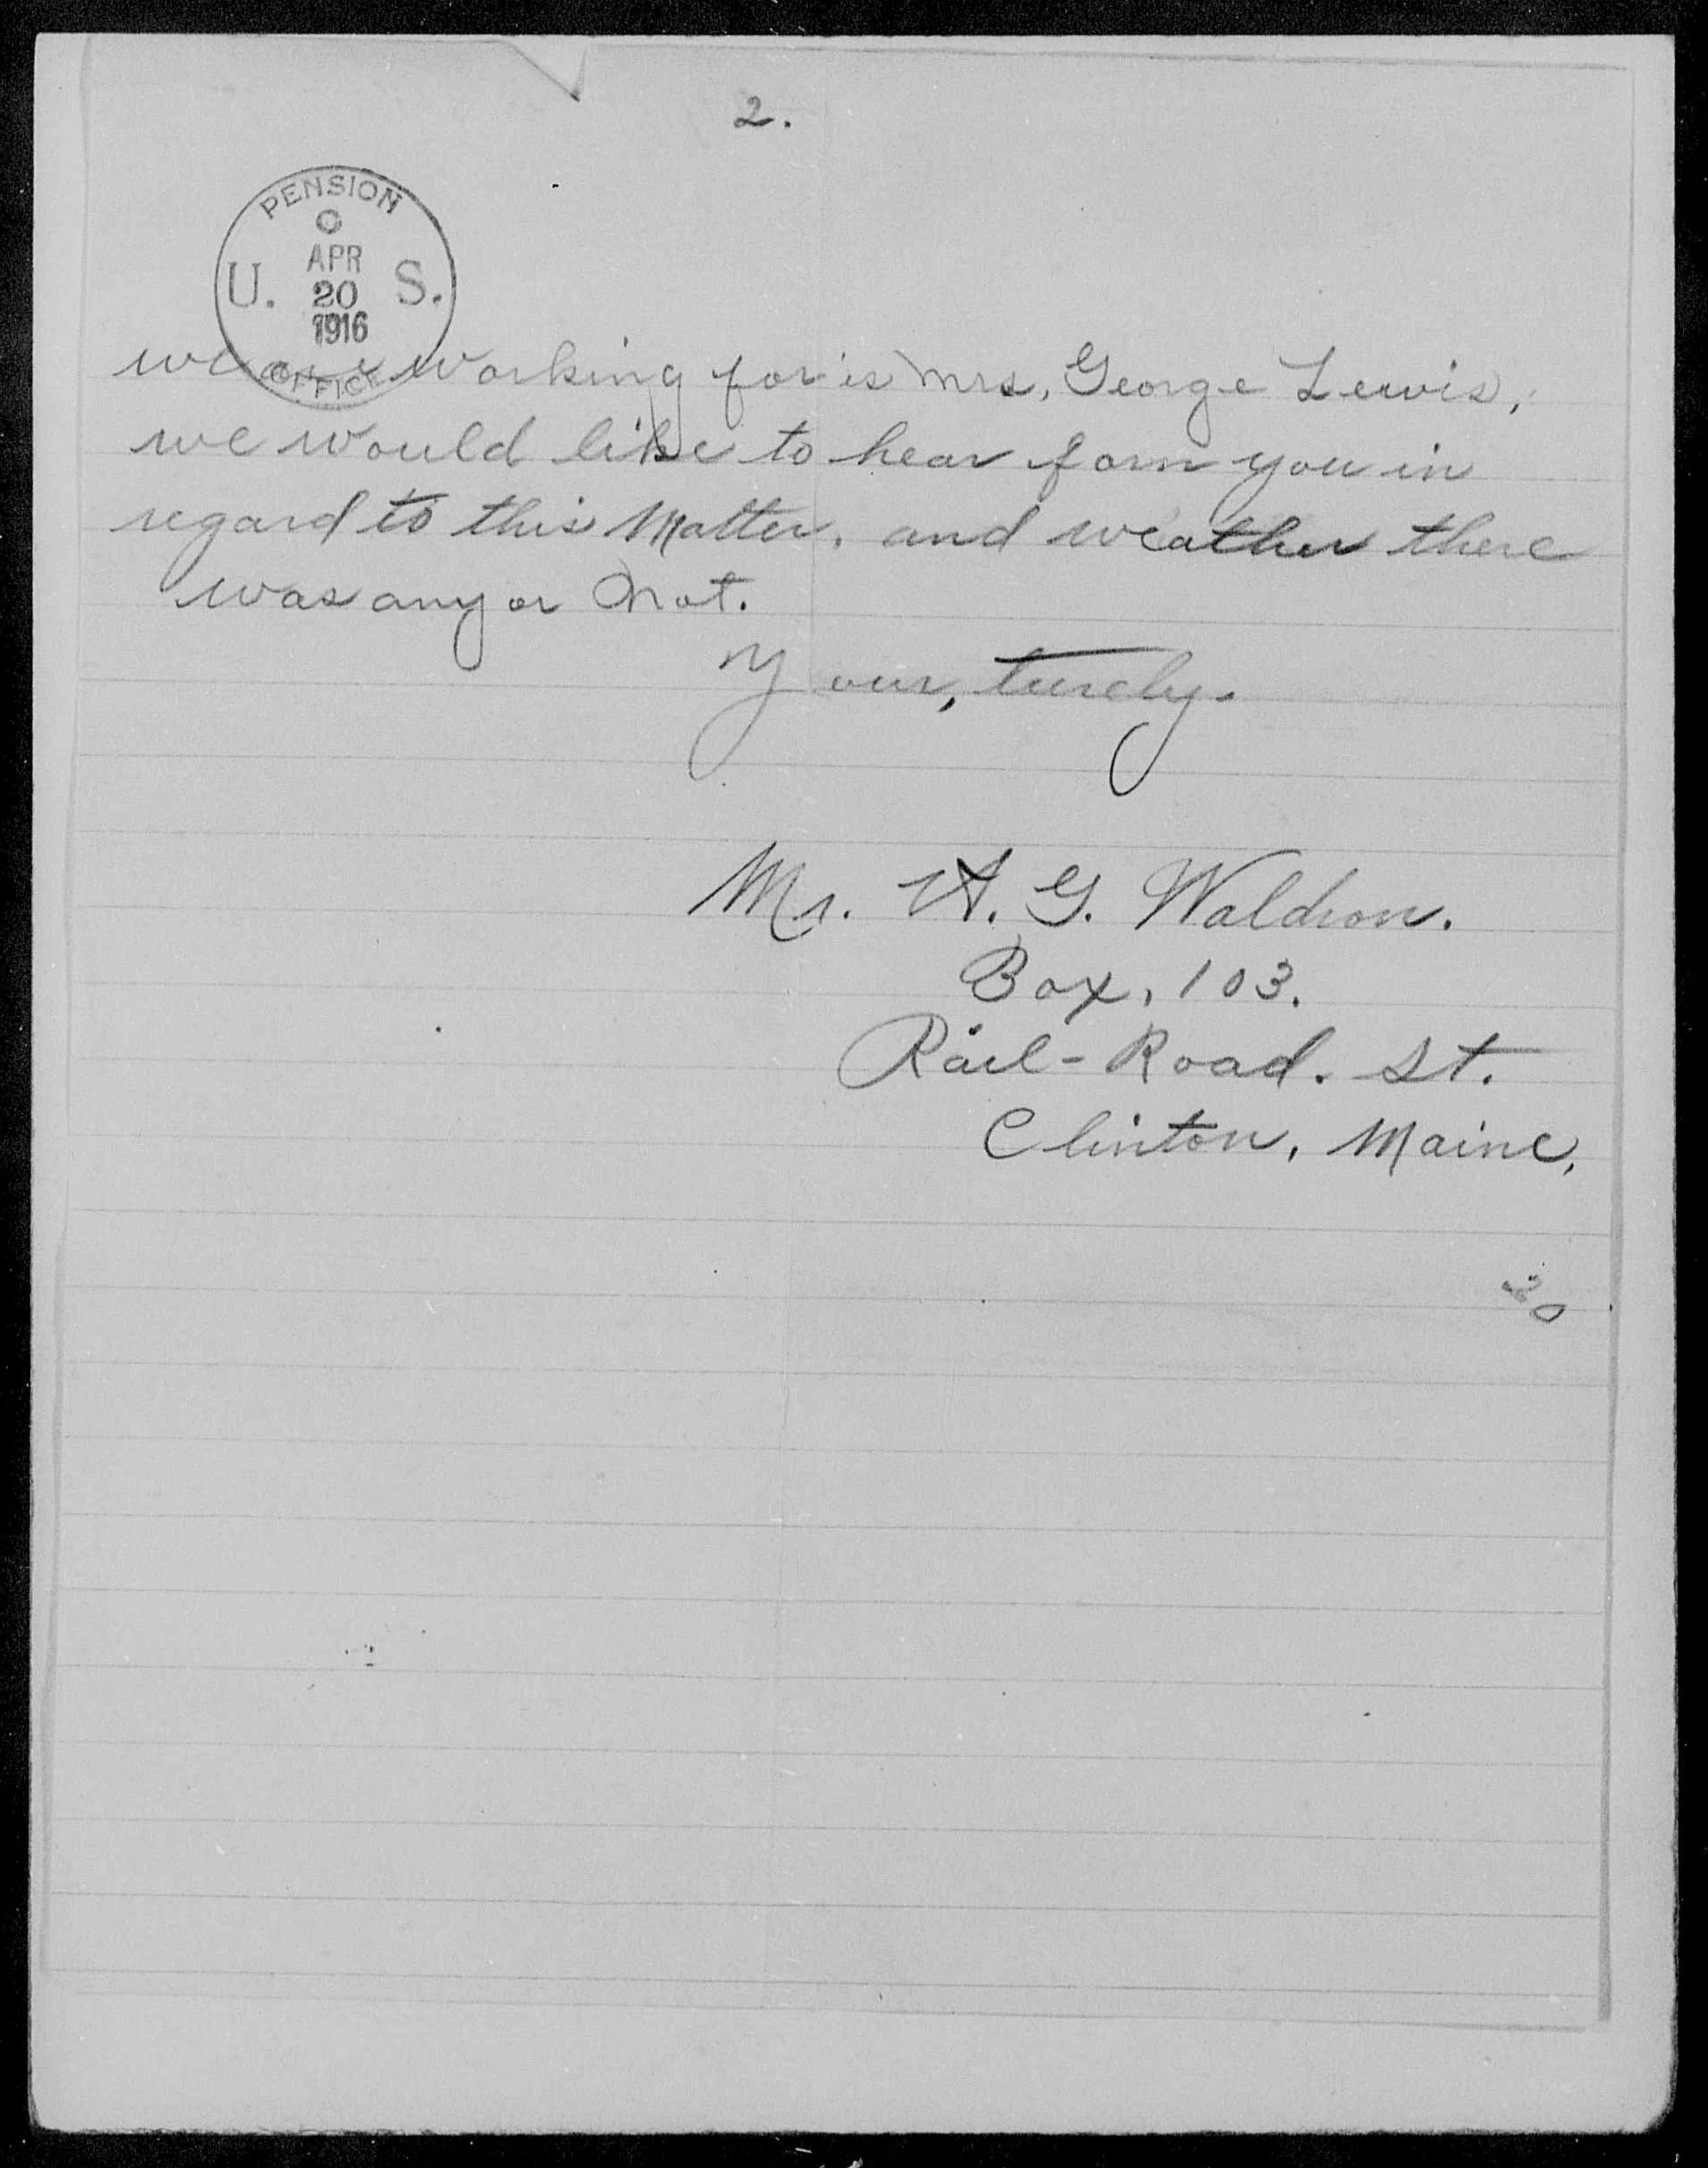Pension
APR
U. 20 S.
1916
Office

We (illegible) working for is Mrs. George Lewis, we would like to hear from you in regard to this matter and weather there was any or not. 
Yours truly, 
Mr. A.G. Waldron
Box 103
Rail-Road St
Clinton, Maine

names: A G Waldron, George Lewis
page: 24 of 24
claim: rejected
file: R. 5180, Asa Holt, Mass. Vt.